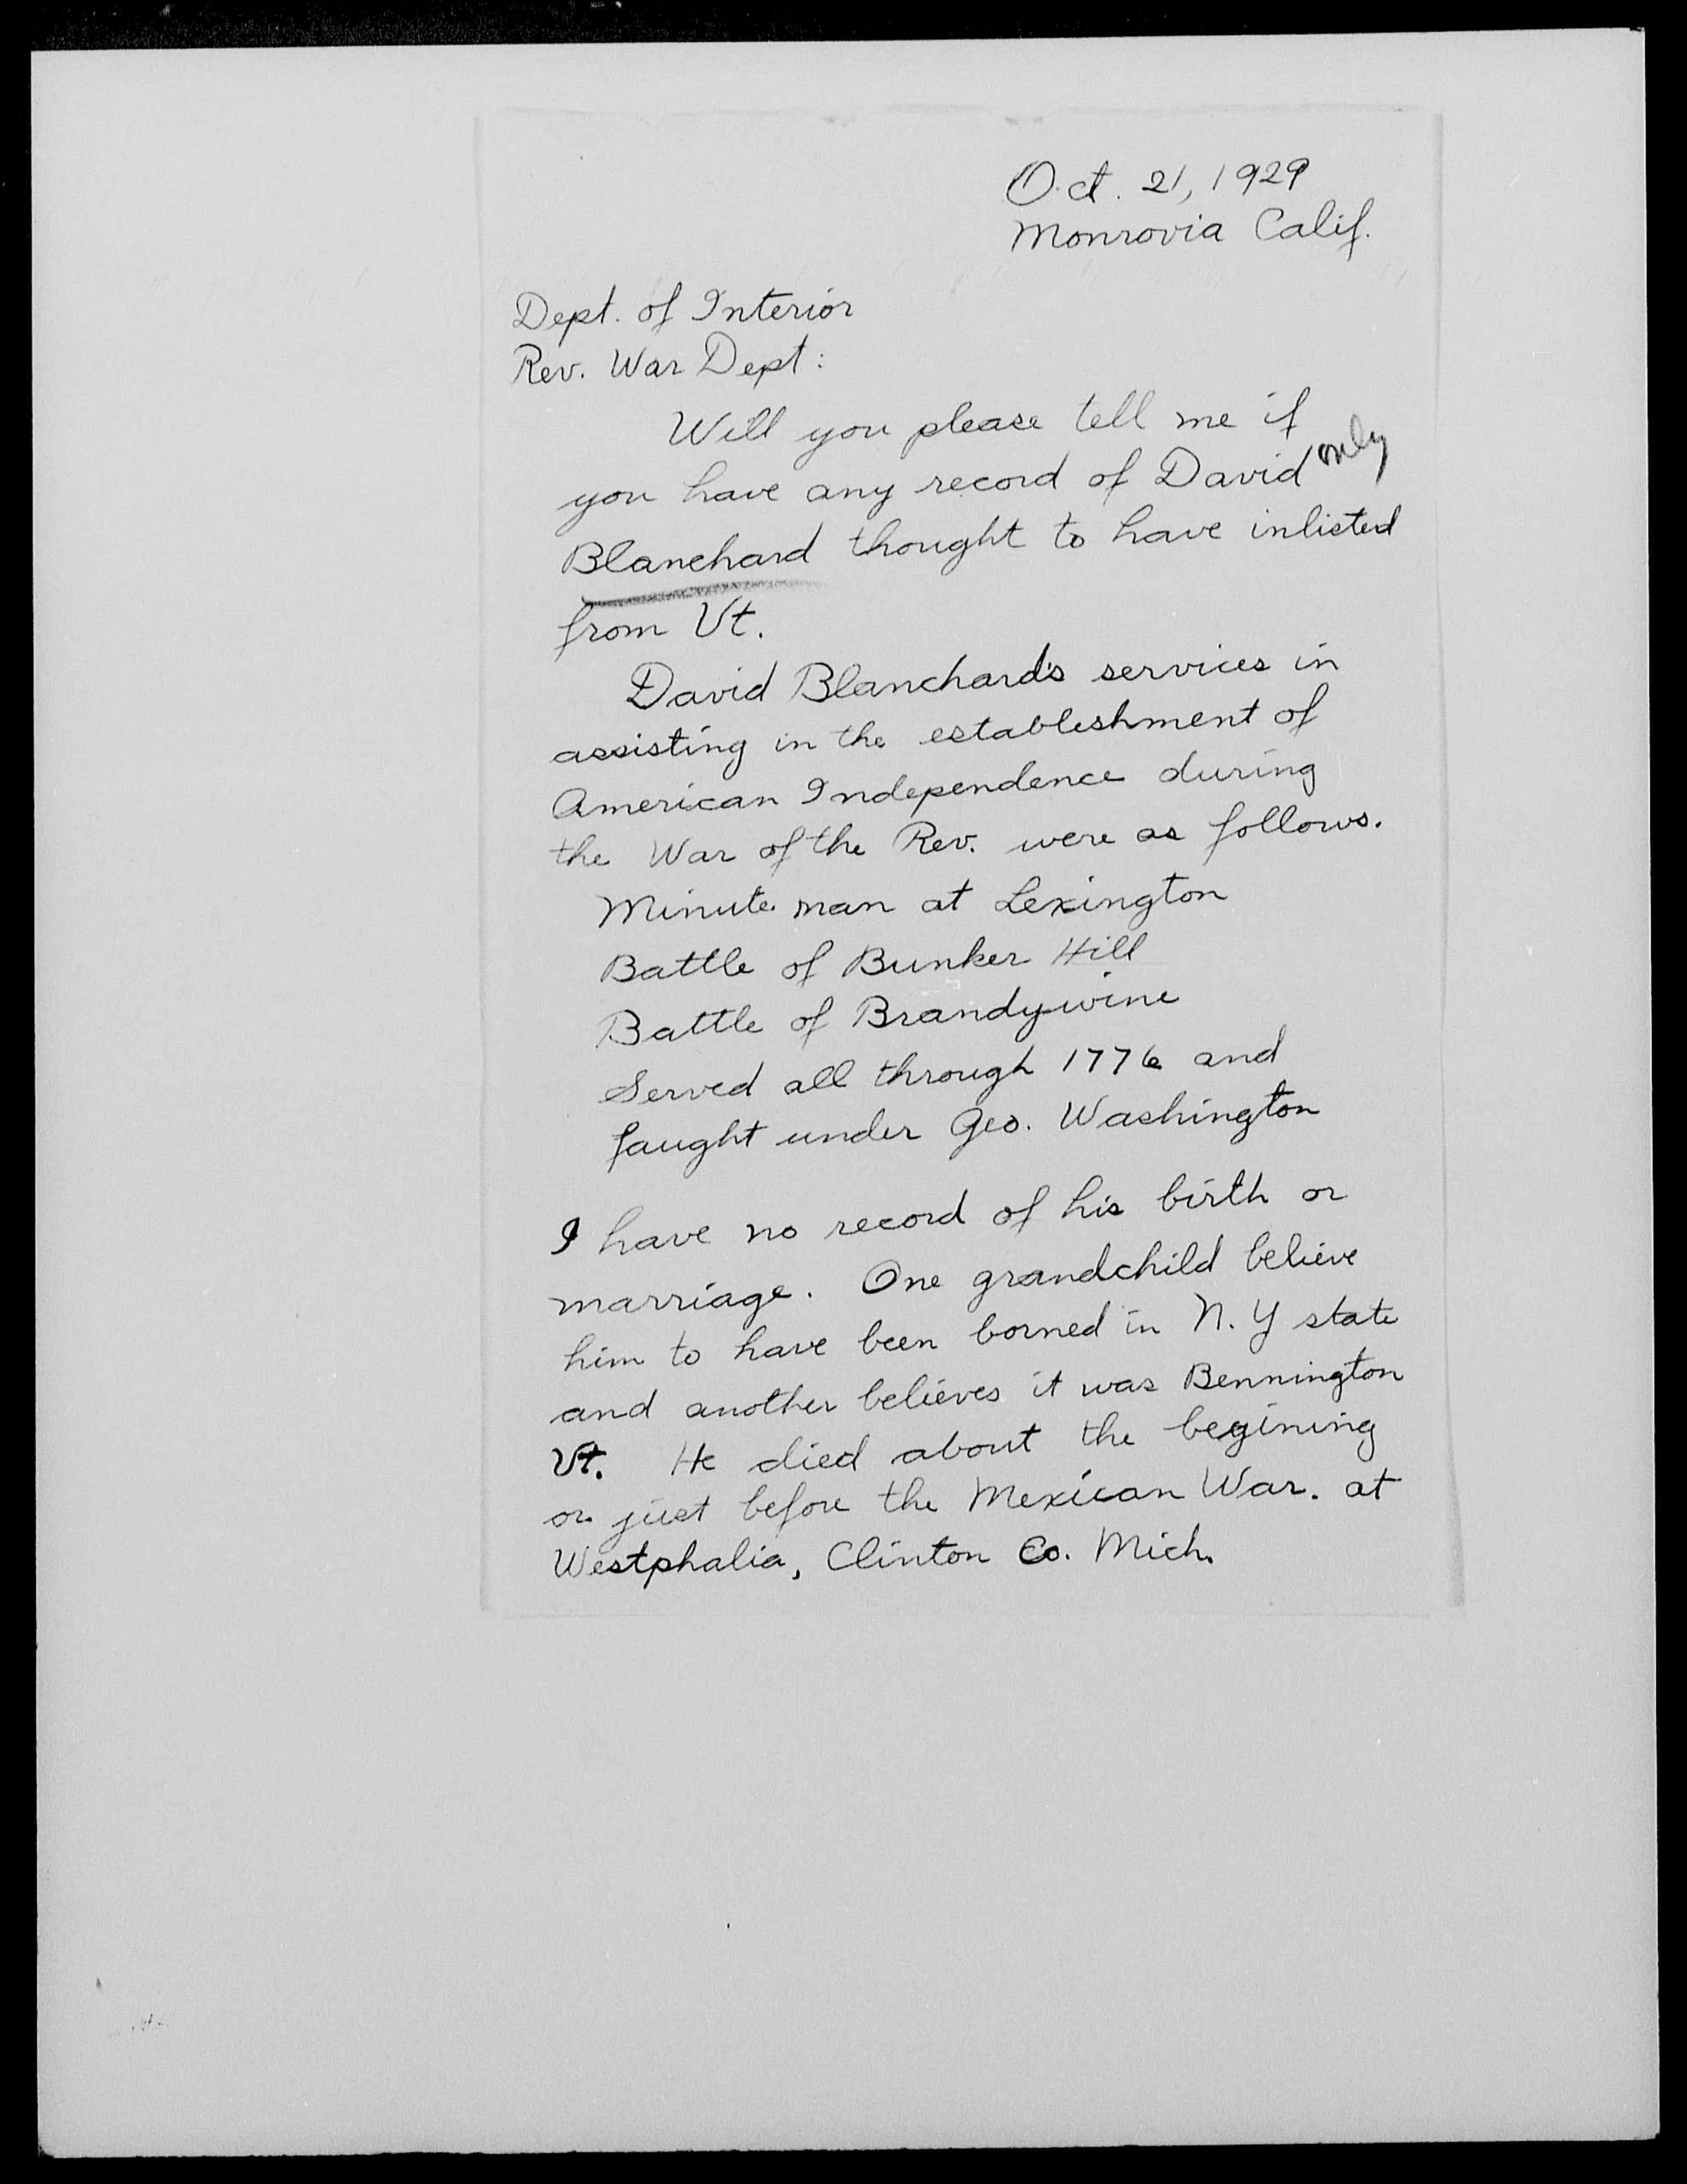Oct. 21, 1929
Monrovia Calif.
Dept. of Interior
Rev. War Dept:
Will you please tell me if you have any record of David [only written in] Blanchard thought to have enlisted from Vt.
David Blanchard's services in assisting in the establishment of American Independence during the War of the Rev. were as follows.
Minute man at Lexington
Battle of Bunker Hill
Battle of Brandywine
Served all through 1776 and fought under Geo. Washington
I have no record of his birth or marriage. One grandchild believe him to have been borned in N. Y. state and another believes it was Bennington Vt. He died about the begining
or just before the Mexican War, at Westphalia, Clinton Co. Mich.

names: David Blanchard, David Blanchard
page: 14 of 23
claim: survivor's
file: S. 12237, David Blanchard, N. H.